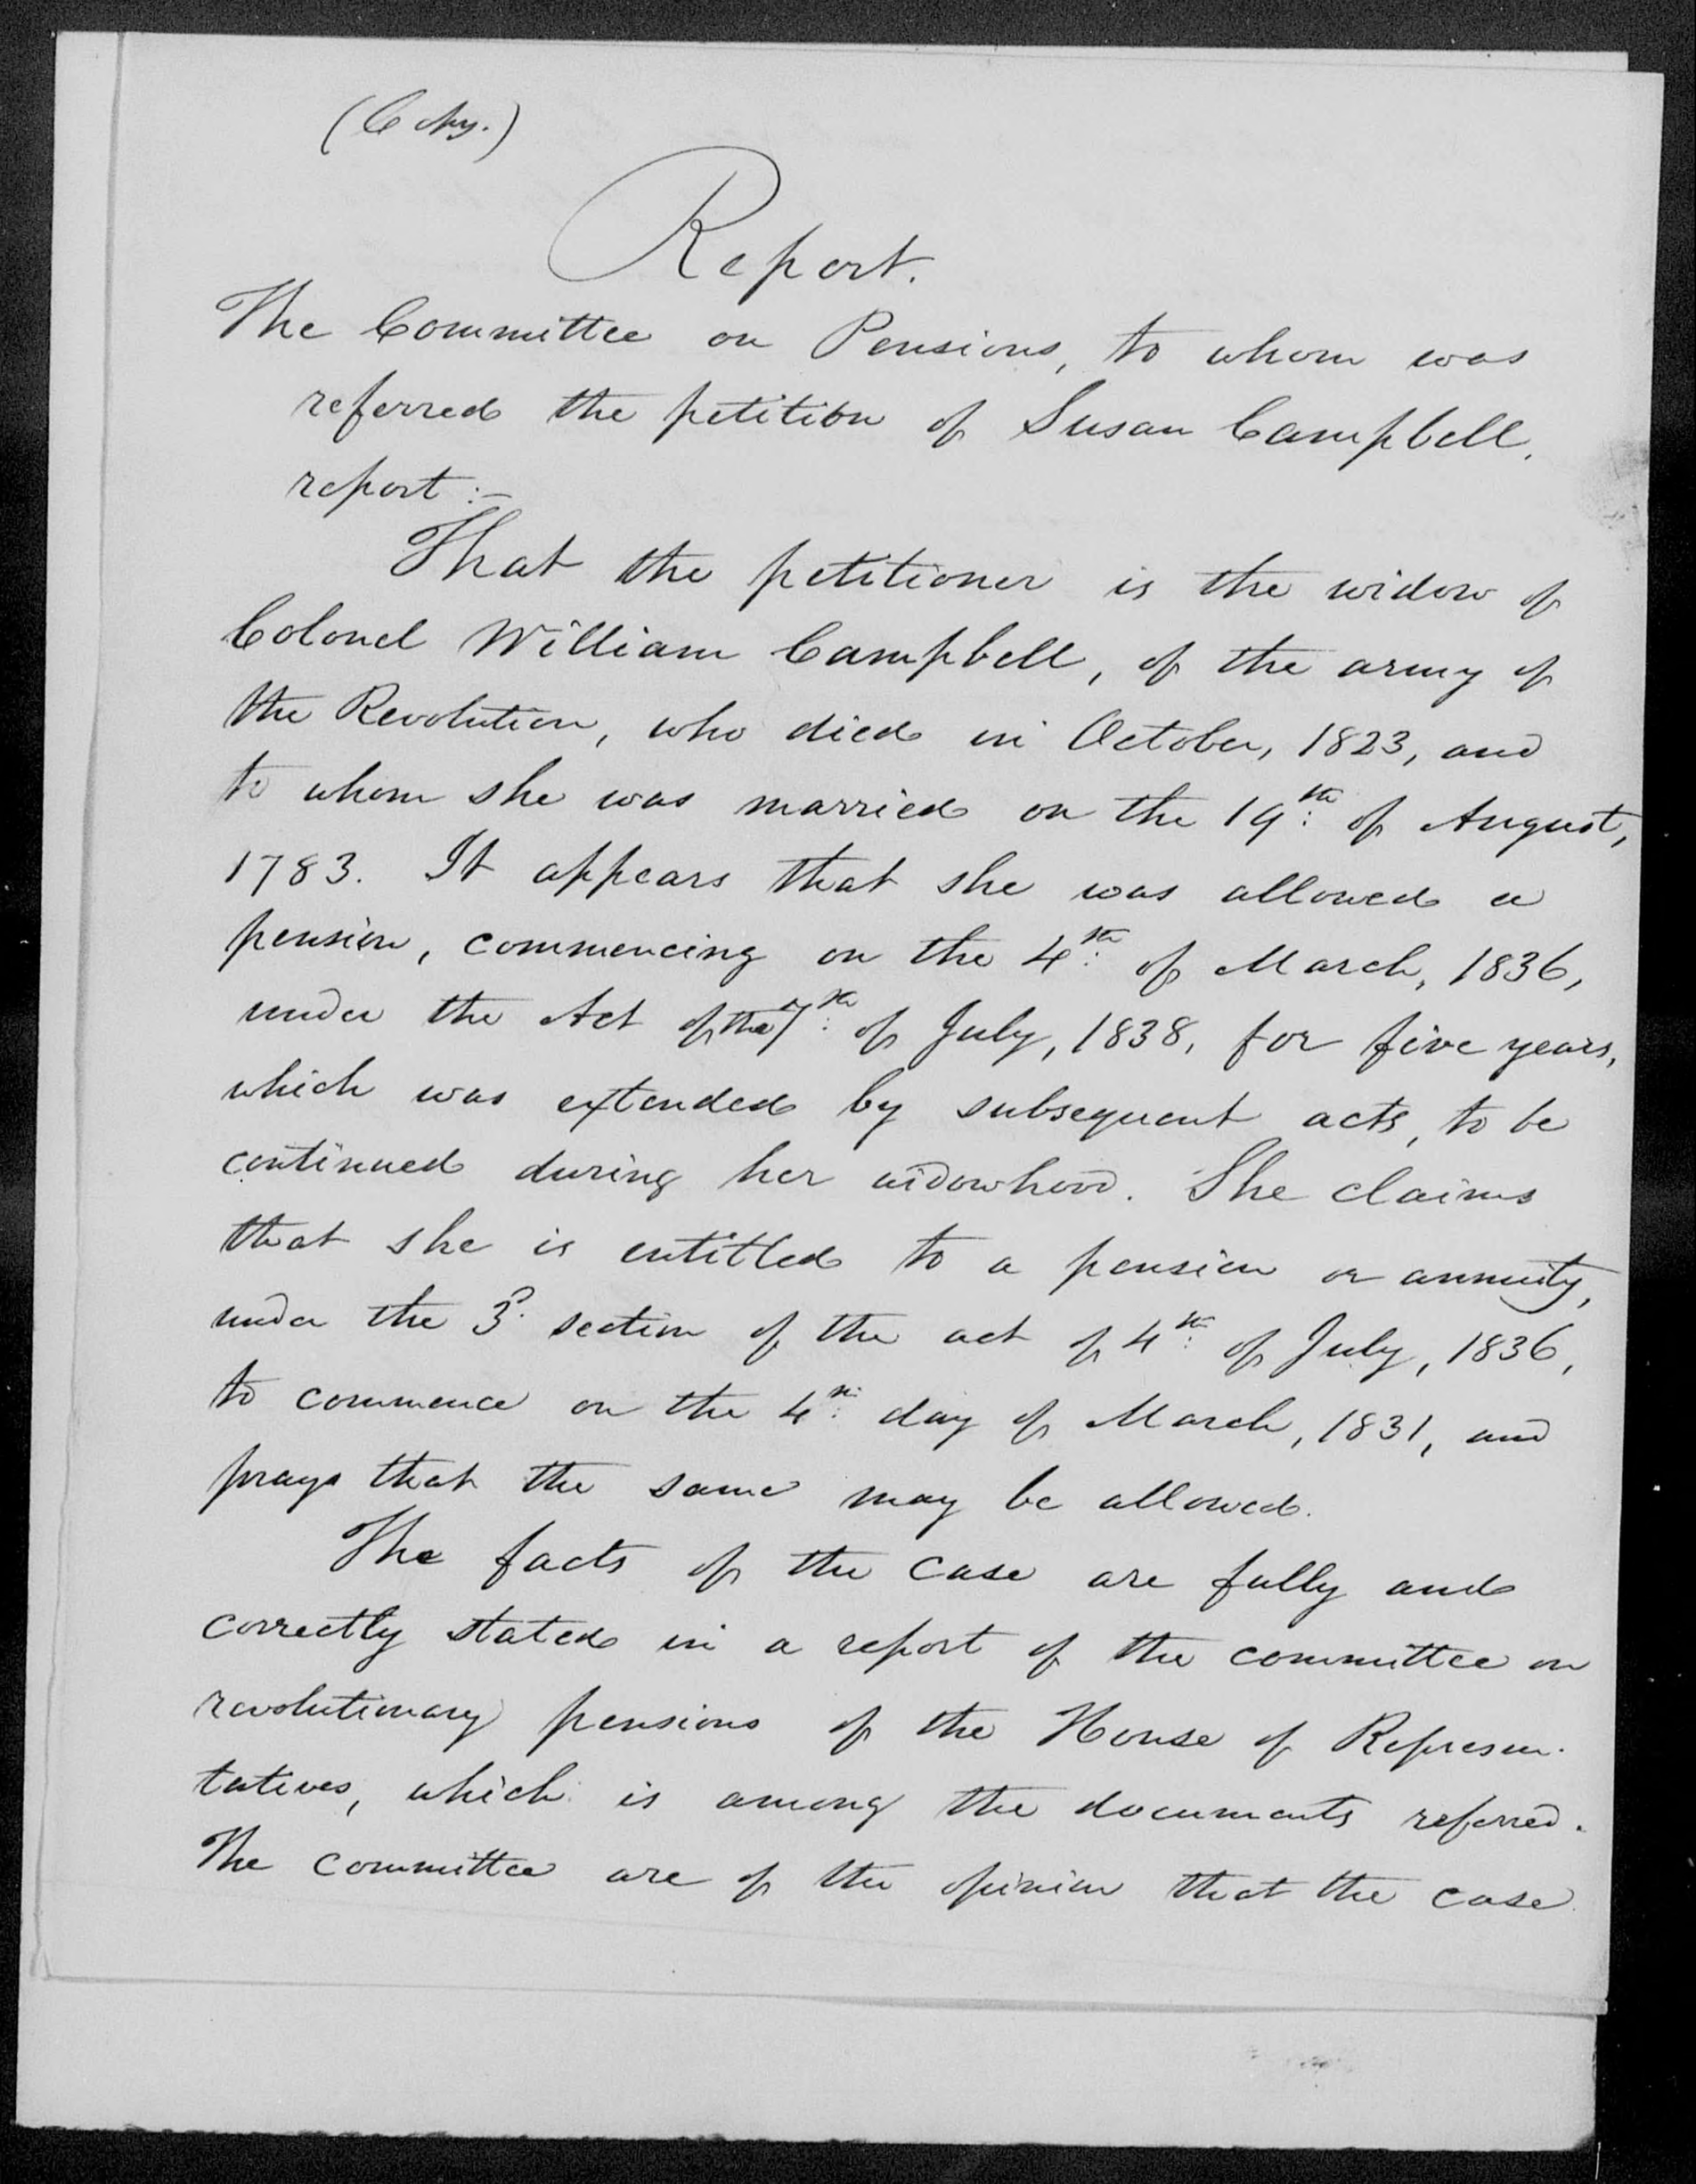(Copy.)
Report.
The Committee on Pensions, to whom was referred the petition of Susan Campbell, report:-
That the petitioner is the widow of Colonel William Campbell, of the army of the Revolution, who died in October, 1823, and to whom she was married on the 19th of August, 1783. It appears that she was allowed a pension, commencing on the 4th of March, 1836, under the Act of the 7th of July, 1838, for five years, which was extended by subsequent acts, to be continued during her widowhood. She claims that she is entitled to a pension or annuity, under the 3d. section of the act of 4th of July, 1836, to commence on the 4th day of March, 1831, and prays that the same may be allowed.
The facts of the case are fully and correctly stated in a report of the committee on revolutionary pensions of the House of Representatives, which is among the documents referred. The committee are of the opinion that the case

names: William Campbell, Susan Campbell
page: 134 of 267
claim: widow's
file: W. 4,149, William Campbell, Va.